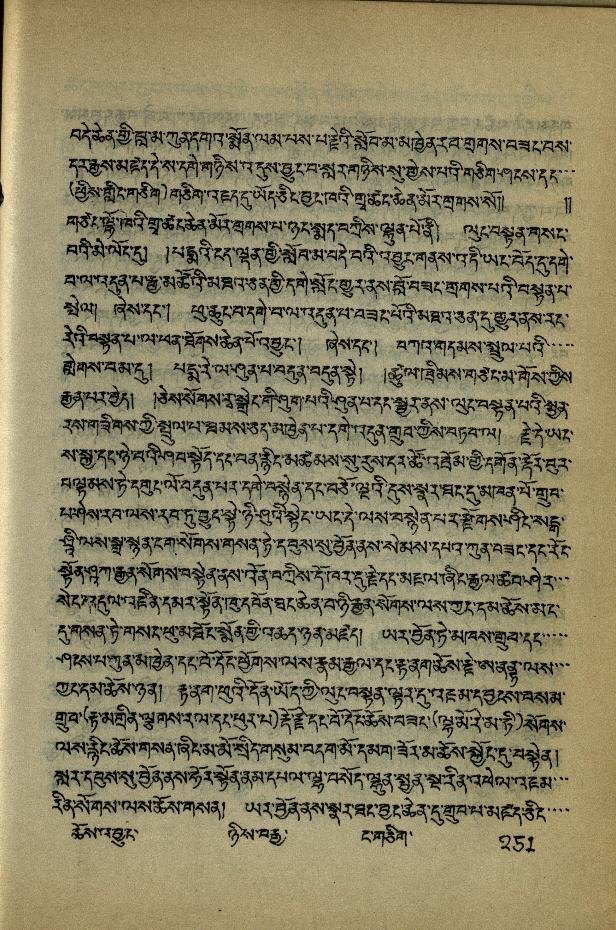བདེ་ཆེན་གྱི་བླ་མ་ཀུན་དགའ་སྨོན་ལམ་པས་པ་རྗེའི་སློབ་མ་མཁྱེན་རབ་གྲགས་བཟང་བས་
དར་རྒྱས་མཛད་དེ་ས་དགེ་གཉིས་འདུས་བྱུང་བ་སླར་གཉིས་སུ་གྱེས་པའི་གཅིག་ཤངས་དང་
ཕྱིས་གླིང་གཅིག་གཅིག་འཇད་དུ་ཡོད་ཅིང་བྱང་ཁའི་གྲྭ་ཚང་ཆེན་མོར་གྲགས་སོ།། །།
གཙང་ལྷོ་ཁེའི་གྲྭ་ཚང་ཆེན་མོར་གྲགས་པ་ཉང་སྨད་བཀྲིས་ལྷུན་པོ་ནི། ལུང་བསྟན་གསང་
བའི་མེ་ལོང་དུ། །པདམའི་ངད་ལྡན་གྱི་སློབ་མ་བདེ་བའི་འབྱུང་གནས་འདི་ཡང་བོད་དུ་དགེ་
བ་ལ་འདུན་པ་རྒྱ་མཚོའི་མཐའ་ཅན་གྱི་དགེ་སློང་གྱུར་ནས་བློ་བཟང་གྲགས་པའི་བསྟན་པ་
སྤེལ། ཞེས་དང་། ཕུ་ཆུང་བ་དགེ་བ་ལ་འདུན་པ་བཟང་པོའི་མཐའ་ཅན་དུ་གྱུར་ནས་རང་
རེའི་བསྟན་པ་ལ་ཕན་ཐོགས་ཆེན་པོ་འབྱུང་། །ཞེས་དང་། བཀའ་གདམས་སྤྲུལ་པའི་
གླེགས་བམ་དུ། པདམ་རེ་ལ་ཤུན་པ་བདུན་བདུན་སྟེ། །ཚུལ་ཁྲིམས་གཙང་མ་གོས་ཀྱིས་
རྒྱན་པར་བྱེད། །ཅེས་སོགས་རྭ་སྒྲེང་གི་ཤུག་པའི་ཤུན་པ་དང་སྦྱར་ནས་ལུང་བསྟན་པའི་སྤྱན་
རས་གཟིགས་ཀྱི་སྤྲུལ་པ་ཐམས་ཅད་མཁྱེན་པ་དགེ་འདུན་གྲུབ་ཀྱིས་བཏབ་ལ། རྗེ་དེ་ཡང་
ས་སྐྱ་དང་ཉེ་བའི་ཤབ་སྟོད་དང་བན་རྙིང་མཚམས་སུ་རུས་དར་ཚོ་འབྲོམ་གྱི་དགོན་རྡོར་བུར་
བལྟམས་ཏེ་དགུང་ལོ་བདུན་པར་དགེ་བསྙེན་དང་བཅོ་ལྔའི་དུས་སྣར་ཐང་དུ་མཁན་པོ་གྲུབ་
པ་ཤེས་རབ་ལས་རབ་ཏུ་བྱུང་སྟེ་ཉི་ཤུའི་སྟེང་ཡང་དེ་ལས་བསྙེན་པར་རྫོགས་ཤིང་སངྒ་
ཤྲཱི་ལས་སྒྲ་སྙན་ངག་སོགས་གསན་ཏེ་དབུས་སུ་བྱོན་ནས་སེམས་དཔའ་ཀུན་བཟང་དང་རོང་
སྟོན་ཤཱཀ་རྒྱན་སོགས་བསྟེན་ནས་འོན་བཀྲིས་དོ་ཁར་དུ་རྗེ་དང་མཇལ་ཞིང་རྒྱལ་ཚབ་ཤེར་
སེང་འདུལ་འཛིན་དམར་སྟོན་ཁུ་དབོན་ཐང་ཆེན་བ་ཉི་རྒྱན་སོགས་ལས་ཀྱང་དམ་ཆོས་མང་
དུ་གསན་ཏེ་གསང་ཕུ་མཐོང་སོན་གྱི་འཆད་ཉན་མཛད། ཡར་བྱོན་ཏེ་མཁས་གྲུབ་དང་
ཤངས་པ་ཀུན་མཁྱེན་དང་བོ་དོང་ཕྱོགས་ལས་རྣམ་རྒྱལ་དང་རྟ་ནག་ཆོས་རྗེ་ཨ་ནནྟ་ལས་
ཀྱང་དམ་ཆོས་ཉན། རྟ་ནག་ཕུའི་དོན་ཡོད་ཀྱི་ལུང་བསྟན་ལྟར་དུ་འཇམ་དབྱངས་བསམ་
གྲུབ་རྟ་མགྲིན་ལྕགས་རལ་དང་ཕུར་པ་རྡོ་རྗེ་དང་བོ་དོང་ཆོས་བཟང་ལྷ་མོ་རེ་མ་ཏི་སོགས་
ལས་རྙིང་ཆོས་གསན་ཞིང་མ་མོ་སྲིད་གསུམ་བདག་མོ་དམག་ཟོར་མ་ཆོས་སྐྱོང་དུ་བསྟེན།
སླར་དབུས་སུ་བྱོན་ནས་ཧོར་སྟོན་ནམ་དཔལ་ལྷ་བསོད་ལྷུན་སྤྱན་སྔ་རིན་འཕེལ་འཇམ་
རིན་སོགས་ལས་ཆོས་གསན། ཡར་བྱོན་ནས་སྣར་ཐང་བྱང་ཆེན་དུ་གྲུབ་པ་མཛད་ཅིན་